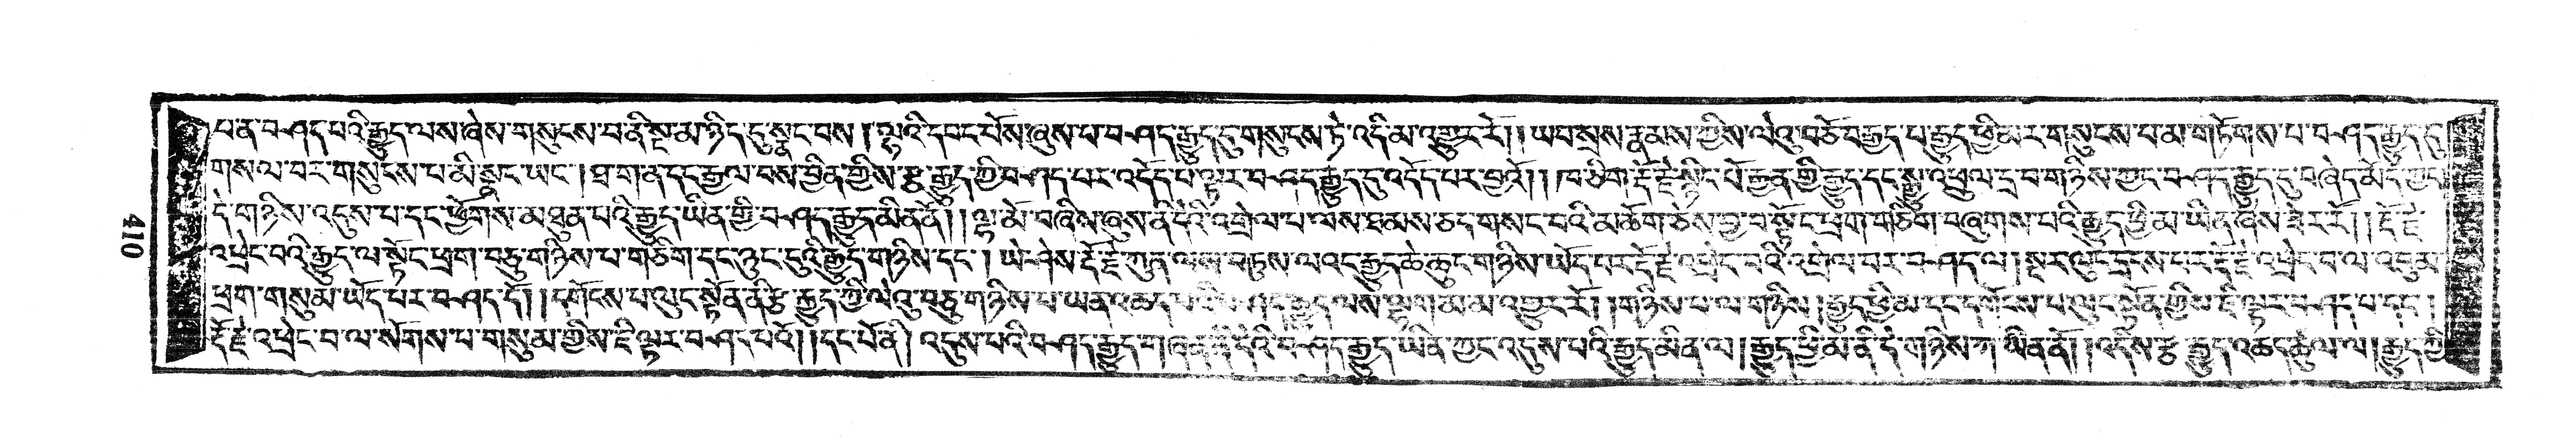པ་ན་བཤད་པའི་རྒྱུད་ལས་ཞེས་གསུངས་པ་ནི་སྔ་མ་ཉིད་དུ་སྣང་བས། ལྷའི་དབང་པོས་ཞུས་པ་བཤད་རྒྱུད་དུ་གསུངས་ཏེ་འདི་མ་འགྱུར་རོ། །ཡབ་སྲས་རྣམས་ཀྱིས་ལེའུ་བཅོ་བརྒྱད་པ་རྒྱུད་ཕྱི་མར་གསུངས་པ་མ་གཏོགས་པ་བཤད་རྒྱུད་དུ་
གསལ་བར་གསུངས་པ་མི་སྣང་ཡང་། ཐ་ག་ན་དང་རྒྱལ་བས་བྱིན་གྱིས་རྩ་རྒྱུད་ཀྱི་བཤད་པར་འདོད་པ་ལྟར་བཤད་རྒྱུད་དུ་འདོད་པར་བྱའོ། །ཁ་ཅིག་རྡོ་རྗེ་སྙིང་པོ་རྒྱན་གྱི་རྒྱུད་དང་སྒྱུ་འཕྲུལ་དྲ་བ་གཉིས་ཀྱང་བཤད་རྒྱུད་དུ་བཞེད་མོད་ཀྱང་
དེ་གཉིས་འདུས་པ་དང་ཕྱོགས་མཐུན་པའི་རྒྱུད་ཡིན་གྱི་བཤད་རྒྱུད་མིན་ནོ། །ལྷ་མོ་བཞིས་ཞུས་ནི་དེའི་འགྲེལ་པ་ལས་ཐམས་ཅད་གསང་བའི་མཆོག་ཅེས་བྱ་བ་སྟོང་ཕྲག་གཅིག་བཞུགས་པའི་རྒྱུད་ཕྱི་མ་ཡིན་ཞེས་ཟེར་རོ། །རྡོ་རྗེ་
འཕྲེང་བའི་རྒྱུད་ལ་སྟོང་ཕྲག་བཅུ་གཉིས་པ་གཅིག་དང་ཉུང་ངུའི་རྒྱུད་གཉིས་དང་། ཡེ་ཤེས་རྡོ་རྗེ་ཀུན་ལས་བཏུས་ལའང་རྒྱུད་ཆེ་ཆུང་གཉིས་ཡོད་པར་རྡོ་རྗེ་འཕྲེང་བའི་འགྲེལ་པར་བཤད་ལ། སྔར་ལུང་དྲངས་པར་རྡོ་རྗེ་འཕྲེང་བ་ལས་འབུམ་
ཕྲག་གསུམ་ཡོད་པར་བཤད་དོ། །དགོངས་པ་ལུང་སྟོན་ནི་རྩ་རྒྱུད་ཀྱི་ལེའུ་བཅུ་གཉིས་པ་ཡན་འཆད་པའི་བཤད་རྒྱུད་ལས་ལྷག་མ་མ་འགྱུར་རོ། །གཉིས་པ་ལ་གཉིས། རྒྱུད་ཕྱི་མ་དང་དགོངས་པ་ལུང་སྟོན་གྱིས་ཇི་ལྟར་བཤད་པ་དང་།
རྡོ་རྗེ་འཕྲེང་བ་ལ་སོགས་པ་གསུམ་གྱིས་ཇི་ལྟར་བཤད་པའོ། །དང་པོ་ནི། འདུས་པའི་བཤད་རྒྱུད་གཞན་ནི་དེའི་བཤད་རྒྱུད་ཡིན་ཀྱང་འདུས་པའི་རྒྱུད་མིན་ལ། རྒྱུད་ཕྱི་མ་ནི་དེ་གཉིས་ཀ་ཡིན་ནོ། །འདིས་རྩ་རྒྱུད་འཆད་ཚུལ་ལ། རྒྱུད་ཀྱི་